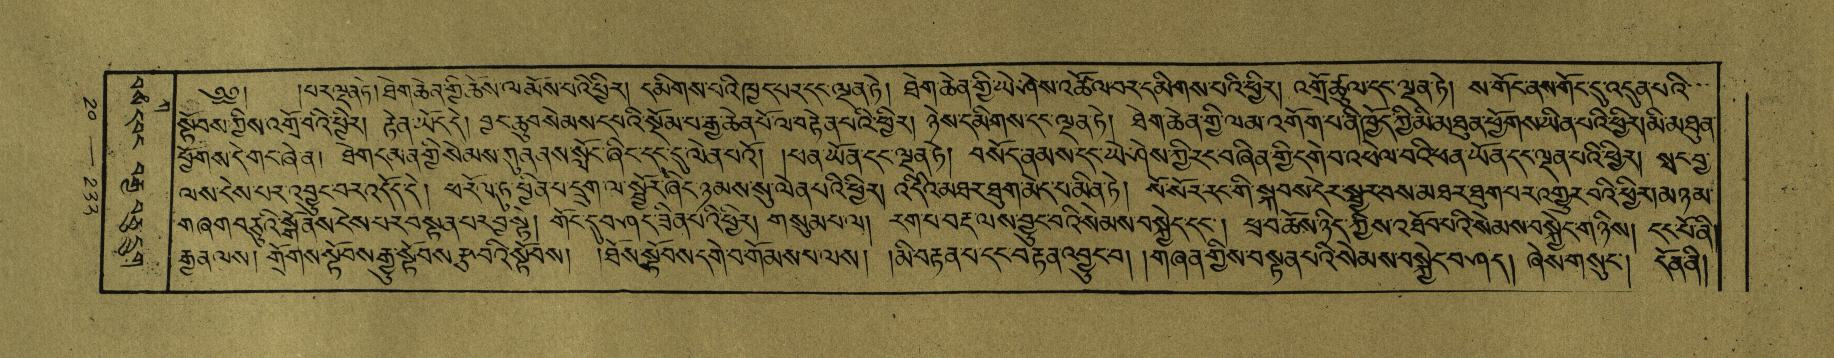༄༅། །པར་ལྡན་ཏེ། ཐེག་ཆེན་གྱི་ཆོས་ལ་མོས་པའི་ཕྱིར། དམིགས་པའི་ཁྱད་པར་དང་ལྡན་ཏེ། ཐེག་ཆེན་གྱི་ཡེ་ཤེས་འཚོལ་བར་དམིགས་པའི་ཕྱིར། འགྲོ་ཚུལ་དང་ལྡན་ཏེ། ས་གོང་ནས་གོང་དུ་འདུན་པའི་
སྟོབས་ཀྱིས་འགྲོ་བའི་ཕྱིར། རྟེན་ཡོད་དེ། བྱང་ཆུབ་སེམས་དཔའི་སྡོམ་པ་རྒྱ་ཆེན་པོ་ལ་བརྟེན་པའི་ཕྱིར། ཉེས་དམིགས་དང་ལྡན་ཏེ། ཐེག་ཆེན་གྱི་ལམ་འགོག་པ་ནི་ཁྱོད་ཀྱི་མི་མཐུན་ཕྱོགས་ཡིན་པའི་ཕྱིར། མི་མཐུན་
ཕྱོགས་དེ་གང་ཞེ་ན། ཐེག་དམན་གྱི་སེམས་ཀུན་ནས་སློང་ཞིང་དང་དུ་ལེན་པའོ། །ཕན་ཡོན་དང་ལྡན་ཏེ། བསོད་ནམས་དང་ཡེ་ཤེས་ཀྱི་རང་བཞིན་གྱི་དགེ་བ་འཕེལ་བའི་ཕན་ཡོན་དང་ལྡན་པའི་ཕྱིར། སྤང་བྱ་
ལས་ངེས་པར་འབྱུང་བར་འདོད་དེ། ཕ་རོལ་ཏུ་ཕྱིན་པ་དྲུག་ལ་སྦྱོར་ཞིང་ཉམས་སུ་ལེན་པའི་ཕྱིར། འདིའི་མཐར་ཐུག་མེད་པ་མིན་ཏེ། སོ་སོར་རང་གི་སྐབས་དེར་སྦྱར་བས་མཐར་ཐུག་པར་འགྱུར་བའི་ཕྱིར། མཉམ་
གཞག་བཅུའི་སྒོ་ནས་ངེས་པར་བསྟན་པར་བྱ་སྟེ། གོང་དུ་བཤད་ཟིན་པའི་ཕྱིར། གསུམ་པ་ལ། རག་པ་བརྡ་ལས་བྱུང་བའི་སེམས་བསྐྱེད་དང་། ཕྲ་བ་ཆོས་ཉིད་ཀྱིས་འཐོབ་པའི་སེམས་བསྐྱེད་གཉིས། དང་པོ་ནི།
རྒྱན་ལས། གྲོགས་སྟོབས་རྒྱུ་སྟོབས་རྩ་བའི་སྟོབས། །ཐོས་སྟོབས་དགེ་བ་གོམས་པ་ལས། །མི་བརྟན་པ་དང་བརྟན་འབྱུང་བ། །གཞན་གྱིས་བསྟན་པའི་སེམས་བསྐྱེད་བཤད། ཞེས་གསུང་། དོན་ནི།